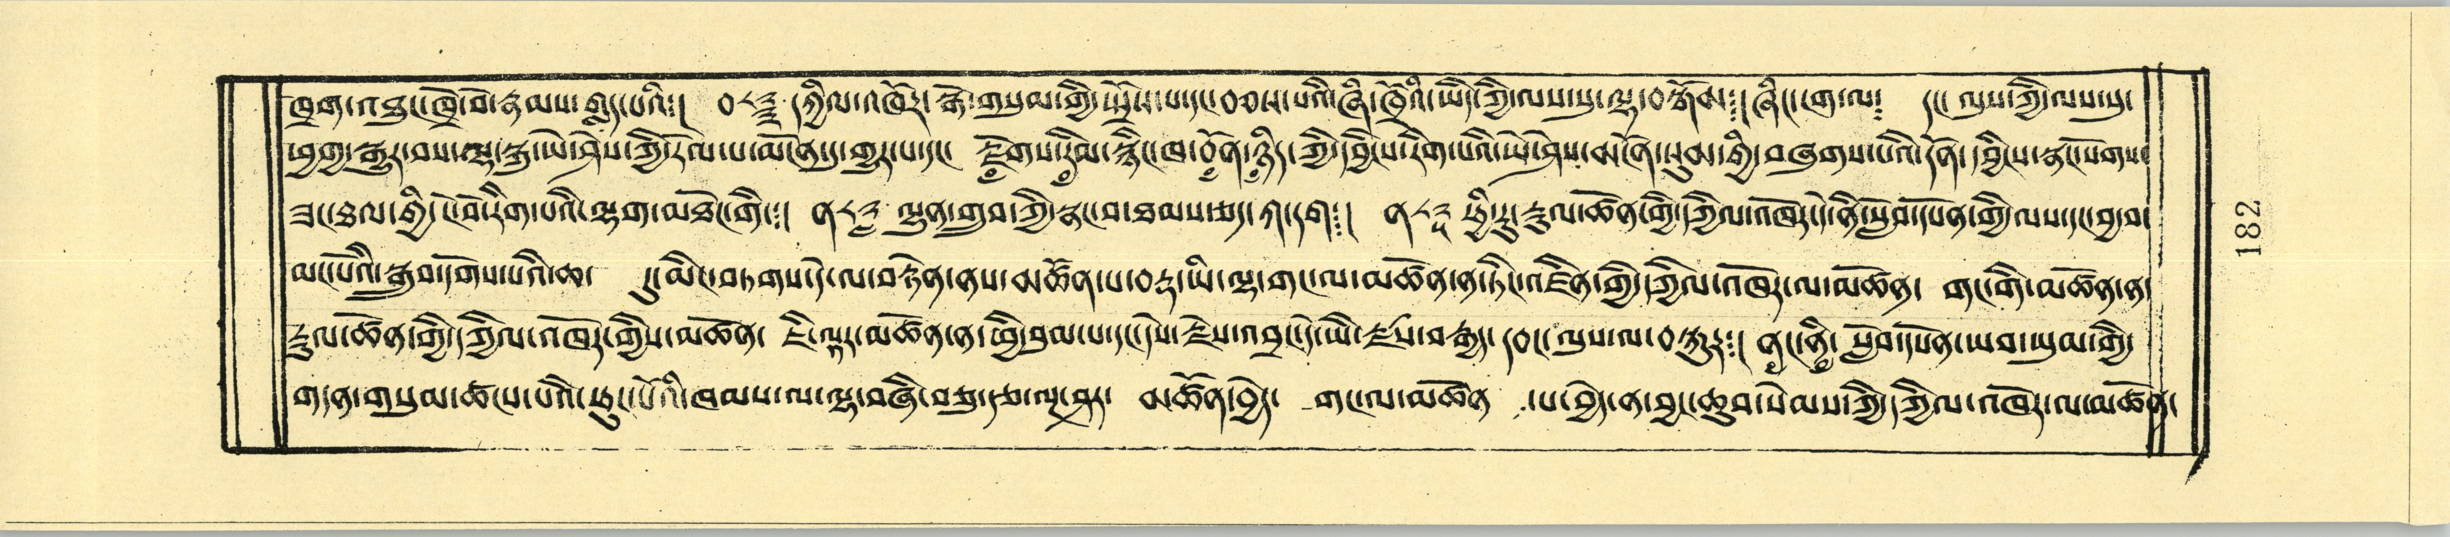ཁྲག་འཐུང་ཁྲོ་བོ་རྣམས་༼ཀླད་པའི༽བ༨༢།༣ ༼དཀྱིལ་འཁོར༽སྒོ་གསུམ་གྱི་༼སྤྲོས༽པ་དང་༼བཅས༽པའི་༼ཞི་ཁྲོའི༽ཡིད་ཀྱི་ལས་སུ་༼ལྷ་བསྒོམ། ཞིང་༽ངག་ལ་༼དང༽ལུས་ཀྱི་ལས་སུ་
ཕྱག་རྒྱ་བསྒྱུར་བས་ལྷ་སྐུ་ཡེ་ཤེས་ཀྱི་རོལ་པ་མངོན་དུ་གྱུར་པ་དང་། རྫོགས་རིམ་སྙིང་ཁ་བོན་ཉིད་ཀྱི་དབྱིངས་རིག་པའི་ཡེ་ཤེས་༼མངོན་སུམ་གྱི༽བཞུགས་པའི་༼དོན༽དབྱིངས་སྣ་ཚོགས་
ཟང་༼ཐལ་གྱི༽ངོ་བོ་རིག་པའི་ལྷག་མཐོང་གི་ན༨༢།༤ལྷུན་གྲུབ་ཀྱི་སྣང་བ་ཐམས་ཅད་༼ཀ་དག༽ན༨༢།༥༼ཕྱི་རུ༽རྡུལ་ཚོན་དཀྱིལ་འཁོར་དེ་ནི་སློབ་དཔོན་གྱི་ལས་དང་བྱ་བ་
མང་པོ་བསྒྲུབ་དགོས་པའི་ཆ་ དུ་མིང་བཏགས་པ་དེ་ལ་བརྟེན་ནས་༼མཚོན་པ་བརྡ་ཡི༽ལྷ་གང་ལ་མཚོན་ན་ཏིང་ངེ་འཛིན་གྱི་དཀྱིལ་འཁོར་ལ་མཚོན། གང་གི་མཚོན་ན་
རྡུལ་ཚོན་གྱི་དཀྱིལ་འཁོར་གྱིས་མཚོན། ཇི་ལྟར་མཚོན་ན་བུམ་པ་དང་དེས་རྗེས་སུ་འབྲངས་དེ་ཡི་རྫས་བརྒྱད་༼དབང༽ལུས་ལ་བསྐུར།༼ནང་ནི༽སློབ་དཔོན་ཡབ་ཡུམ་གྱི་
གདན་གསུམ་ཚང་བའི་༼ཕུང་པོའི༽ཁམས་ལ་ལྷ་བཞི་བཅུ་རྩ་ལྔ་ཤར་༼མཚོན་བྱེད༽གང་ལ་མཚོན་པར་བྱེད་ན་བྱང་ཆུབ་སེམས་ཀྱི་དཀྱིལ་འཁོར་ལ་མཚོན་